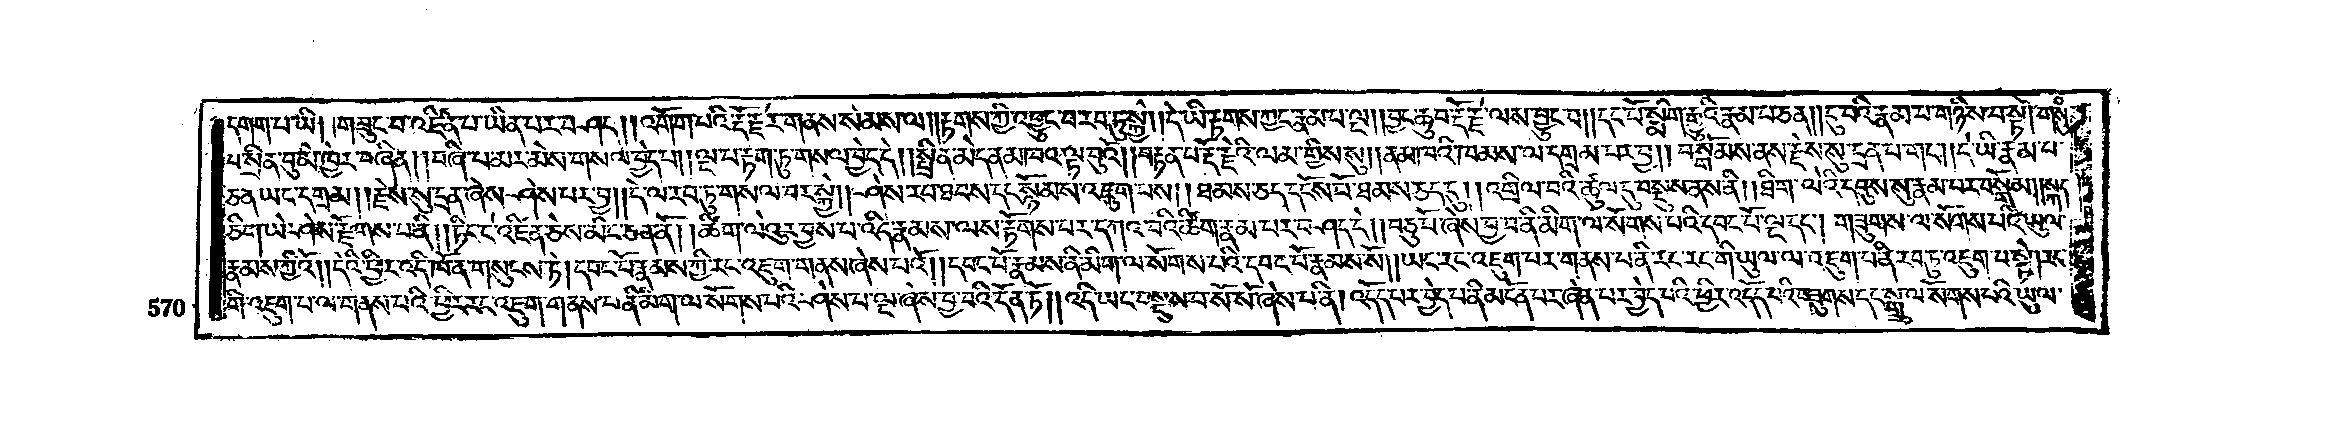དགག་པ་ཡི། །གཟུང་བ་འཛིན་པ་ཡིན་པར་བཤད། །འགོག་པའི་རྡོ་རྗེར་གནས་སེམས་ལ། །རྟགས་ཀྱི་འབྱུང་བ་རབ་ཏུ་སྐྱེ། །དེ་ཡི་རྟགས་ཀྱང་རྣམ་པ་ལྔ། །བྱང་ཆུབ་རྡོ་རྗེ་ལས་བྱུང་བ། །དང་པོ་སྨིག་རྒྱུའི་རྣམ་པ་ཅན། །དུ་བའི་རྣམ་པ་གཉིས་པ་སྟེ། །གསུམ་
པ་སྲིན་བུ་མེ་ཁྱེར་བཞིན། །བཞི་པ་མར་མེས་གསལ་བྱེད་པ། །ལྔ་པ་རྟག་ཏུ་གསལ་བྱེད་དེ། །སྤྲིན་མེད་ནམ་མཁའ་ལྟ་བུའོ། །བརྟན་པ་རྡོ་རྗེའི་ལམ་གྱིས་སུ། །ནམ་མཁའི་ཁམས་ལ་དགྲམ་པར་བྱ། །བསྒོམས་ནས་རྗེས་སུ་དྲན་པ་གང་། །དེ་ཡི་རྣམ་པ་
ཅན་ཡང་དགྲམ། །རྗེས་སུ་དྲན་ཞེས་ཤེས་པར་བྱ། །དེ་ལ་རབ་ཏུ་གསལ་བར་སྐྱེ། །ཤེས་རབ་ཐབས་དང་སྙོམས་འཇུག་པས། །ཐམས་ཅད་དངོས་པོ་ཐམས་ཅད་དུ། །འགྲིལ་བའི་ཚུལ་དུ་བསྡུས་ནས་ནི། །ཐིག་ལེའི་དབུས་སུ་རྣམ་པར་བསྒོམ། །སྐད་
ཅིག་ཡེ་ཤེས་རྫོགས་པ་ནི། །ཏིང་ངེ་འཛིན་ཅེས་མིང་ཅན་ནོ། །ཚིག་ལེའུར་བྱས་པ་འདི་རྣམས་ལས་རྟོགས་པར་དཀའ་བའི་ཚིག་རྣམ་པར་བཤད་དེ། །བཅུ་པོ་ཞེས་བྱ་བ་ནི་མིག་ལ་སོགས་པའི་དབང་པོ་ལྔ་དང་། གཟུགས་ལ་སོགས་པའི་ཡུལ་
རྣམས་ཀྱིའོ། །དེའི་ཕྱིར་འདི་ཁོ་ན་གསུངས་ཏེ། དབང་པོ་རྣམས་ཀྱི་རང་འཇུག་གནས་ཞེས་པའོ། །དབང་པོ་རྣམས་ནི་མིག་ལ་སོགས་པའི་དབང་པོ་རྣམས་སོ། །ཡང་རང་འཇུག་པར་གནས་པ་ནི་རང་རང་གི་ཡུལ་ལ་འཇུག་པ་ནི་རབ་ཏུ་འཇུག་པ་སྟེ། རང་
གི་འཇུག་པ་ལ་གནས་པའི་ཕྱིར་རང་འཇུག་གནས་པ་ནི་མིག་ལ་སོགས་པའི་ཤེས་པ་ལྔ་ཞེས་བྱ་བའི་དོན་ཏོ། །འདི་ཡང་བསྡུས་པ་སོ་སོ་ཞེས་པ་ནི། འདོད་པར་བྱེད་པ་ནི་མངོན་པར་ཞེན་པར་བྱེད་པའི་ཕྱིར་འདོད་པའི་གཟུགས་དང་སྒྲ་ལ་སོགས་པའི་ཡུལ་